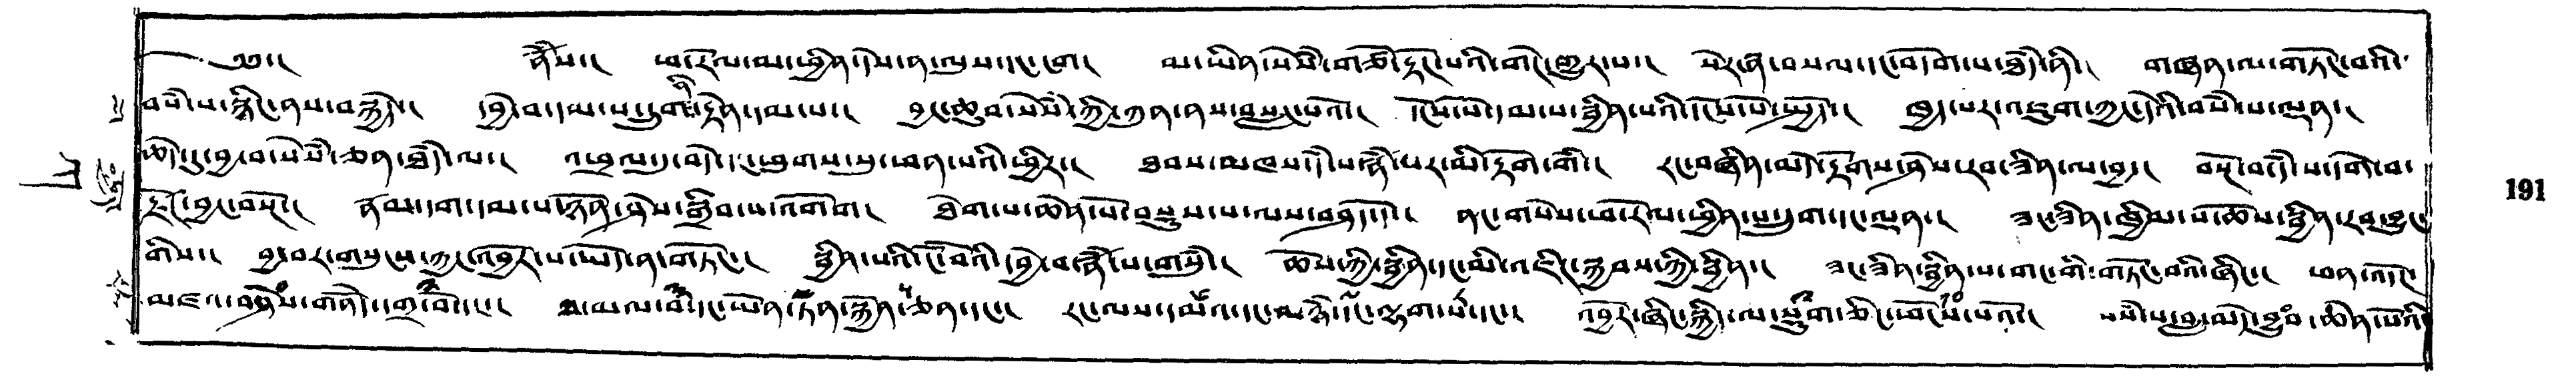རྣམས། །ཕ་རོལ་མ་ཕྱིན་དེས་ན་ལུས་དང་ངག །མ་ཡིན་སེམས་གཙོ་རྟོགས་པའི་གེགས་གྱུར་པ། །སེར་སྣ་བསལ་དང་བདོག་པ་ཐམས་ཅད་ནི། །གཞན་ལ་གཏོང་བའི་
བསམ་པ་སྙིང་ནས་བསྐྱེད། །དབྱེ་བ་དམ་པ་དྲུག་ནི་རྟེན་དམ་པ། །བྱང་ཆུབ་སེམས་ཀྱི་ཀུན་ནས་བསླངས་པའོ། །དངོས་པོ་དམ་པ་སྦྱིན་པའི་དངོས་པོ་སྤྱོད། །ཁྱད་པར་འཇུག་ཀྱང་དེ་ཡི་བསམ་པ་ལྡན། །
ཆེད་དུ་བྱ་བ་སེམས་ཅན་ཐམས་ཅད་ལ། །འཕྲལ་དུ་བདེ་དང་ཕུགས་སུ་ཕན་པའི་ཕྱིར། །ཐབས་མཁས་དམ་པ་རྣམ་པར་མི་རྟོག་གམ། །རང་བཞིན་མེད་རྟོགས་ཤེས་རབ་ཟིན་ལ་བྱ། །བསྔོ་བ་དམ་པ་དགེ་བ་
རྫོགས་བྱང་བསྔོ། །རྣམ་དག་དམ་པ་ཉོན་ཤེས་སྒྲིབ་པ་འགོག།ཐེག་པ་ཆེན་པོ་བསྡུས་པ་ལས་བཤད་དོ། །ནང་གསེས་ཕ་རོལ་ཕྱིན་པ་དྲུག་དང་ལྡན། །ཟང་ཟིང་ཁྱིམ་པ་ཆོས་སྦྱིན་རབ་བྱུང་
གིས། །བྱ་བར་གསུངས་ཀྱང་འབྱོར་པ་ཡོད་ན་གཏོང་། །སྦྱིན་པའི་ངོ་བོའི་དབྱེ་བ་རྣམ་པ་གསུམ། །ཆོས་ཀྱི་སྦྱིན་དང་མི་འཇིགས་སྐྱབས་ཀྱི་སྦྱིན། །ཟང་ཟིན་སྦྱིན་པ་གང་གི་གཏོང་བའི་ཞིང་། །ཕན་འདོགས་
མཛའ་བཤེས་གནོད་བྱེད་དགྲ་བོ་དང་། །ཐ་མལ་བ་དང་ཡོན་ཏན་སྐྱོན་ཅན་དང་། །རང་ལས་དམའ་དང་མཉམ་དང་ལྷག་པ་དང་། །འབྱོར་ཞིང་སྐྱིད་ལ་སྡུག་ཅིང་ཕོངས་པའོ། །བསམ་པ་བླ་མེད་བྱང་ཆུབ་ཆེན་པོའི་